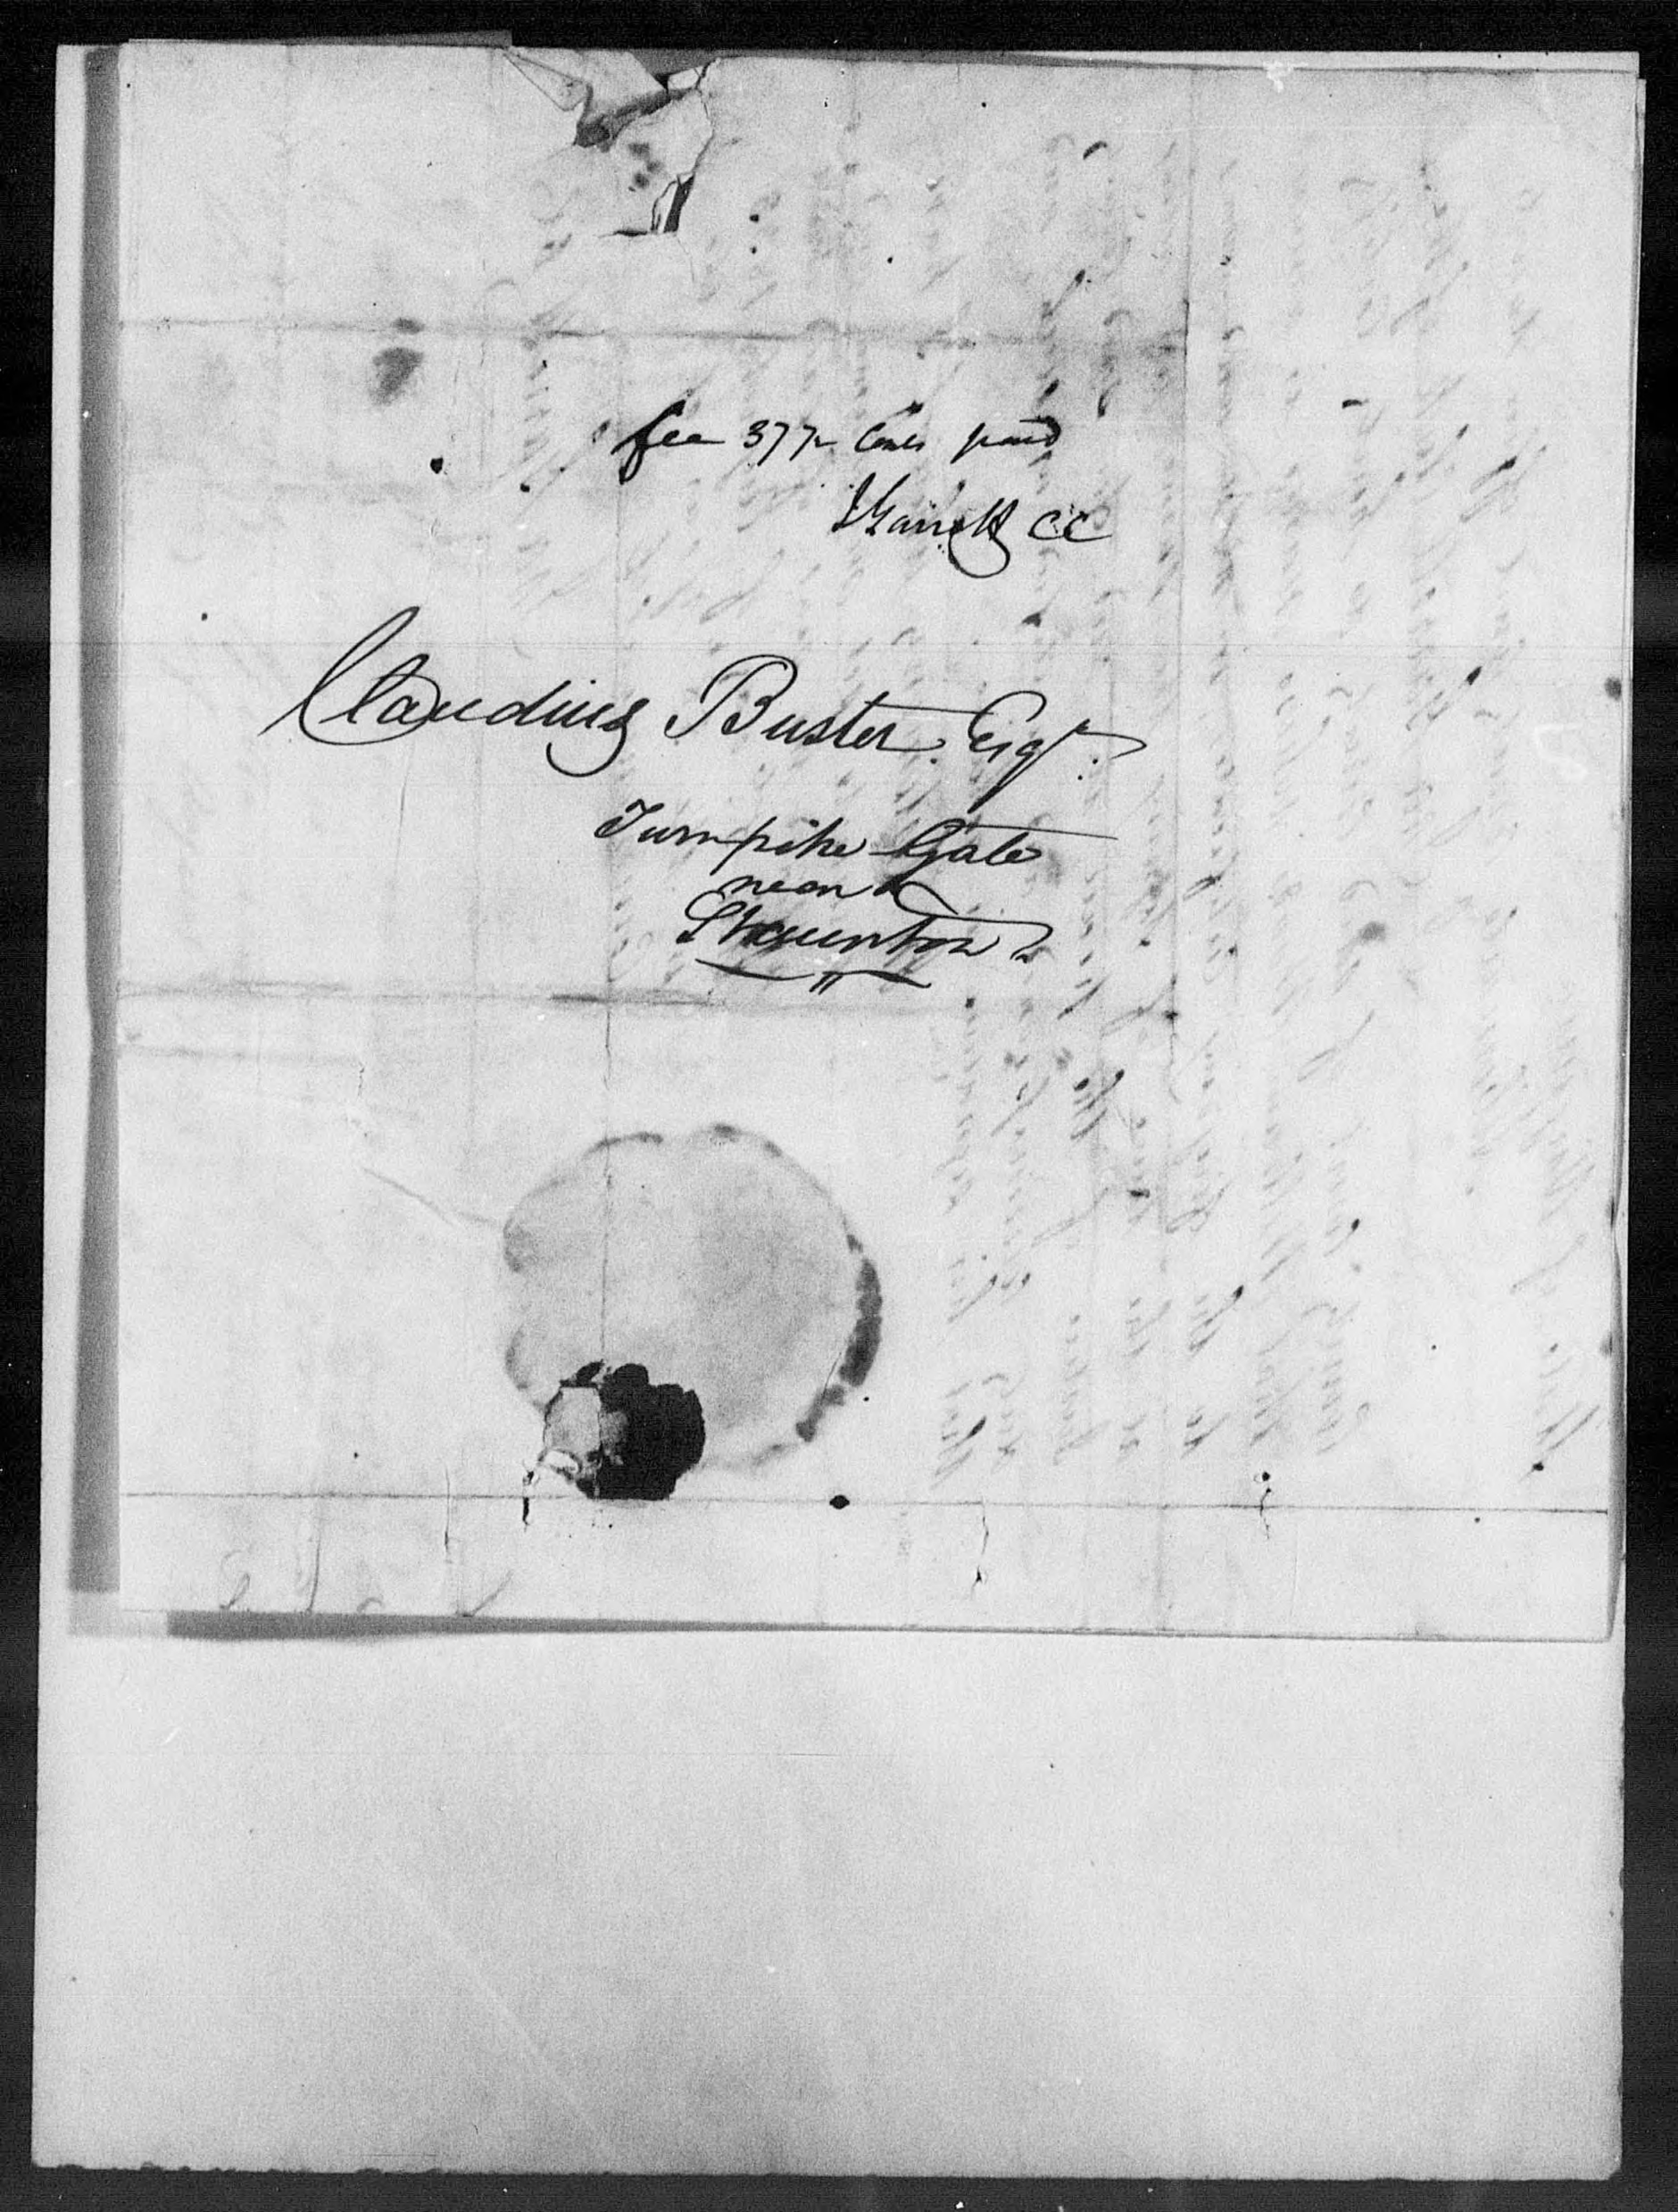fee 37 ½ cents paid
J Garriott CC

Claudius Buster Esqr:
Turnpike Gate
near
Staunton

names: Claudius Buster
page: 24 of 71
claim: widow's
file: W. 25310, Claudius Buster, Va.